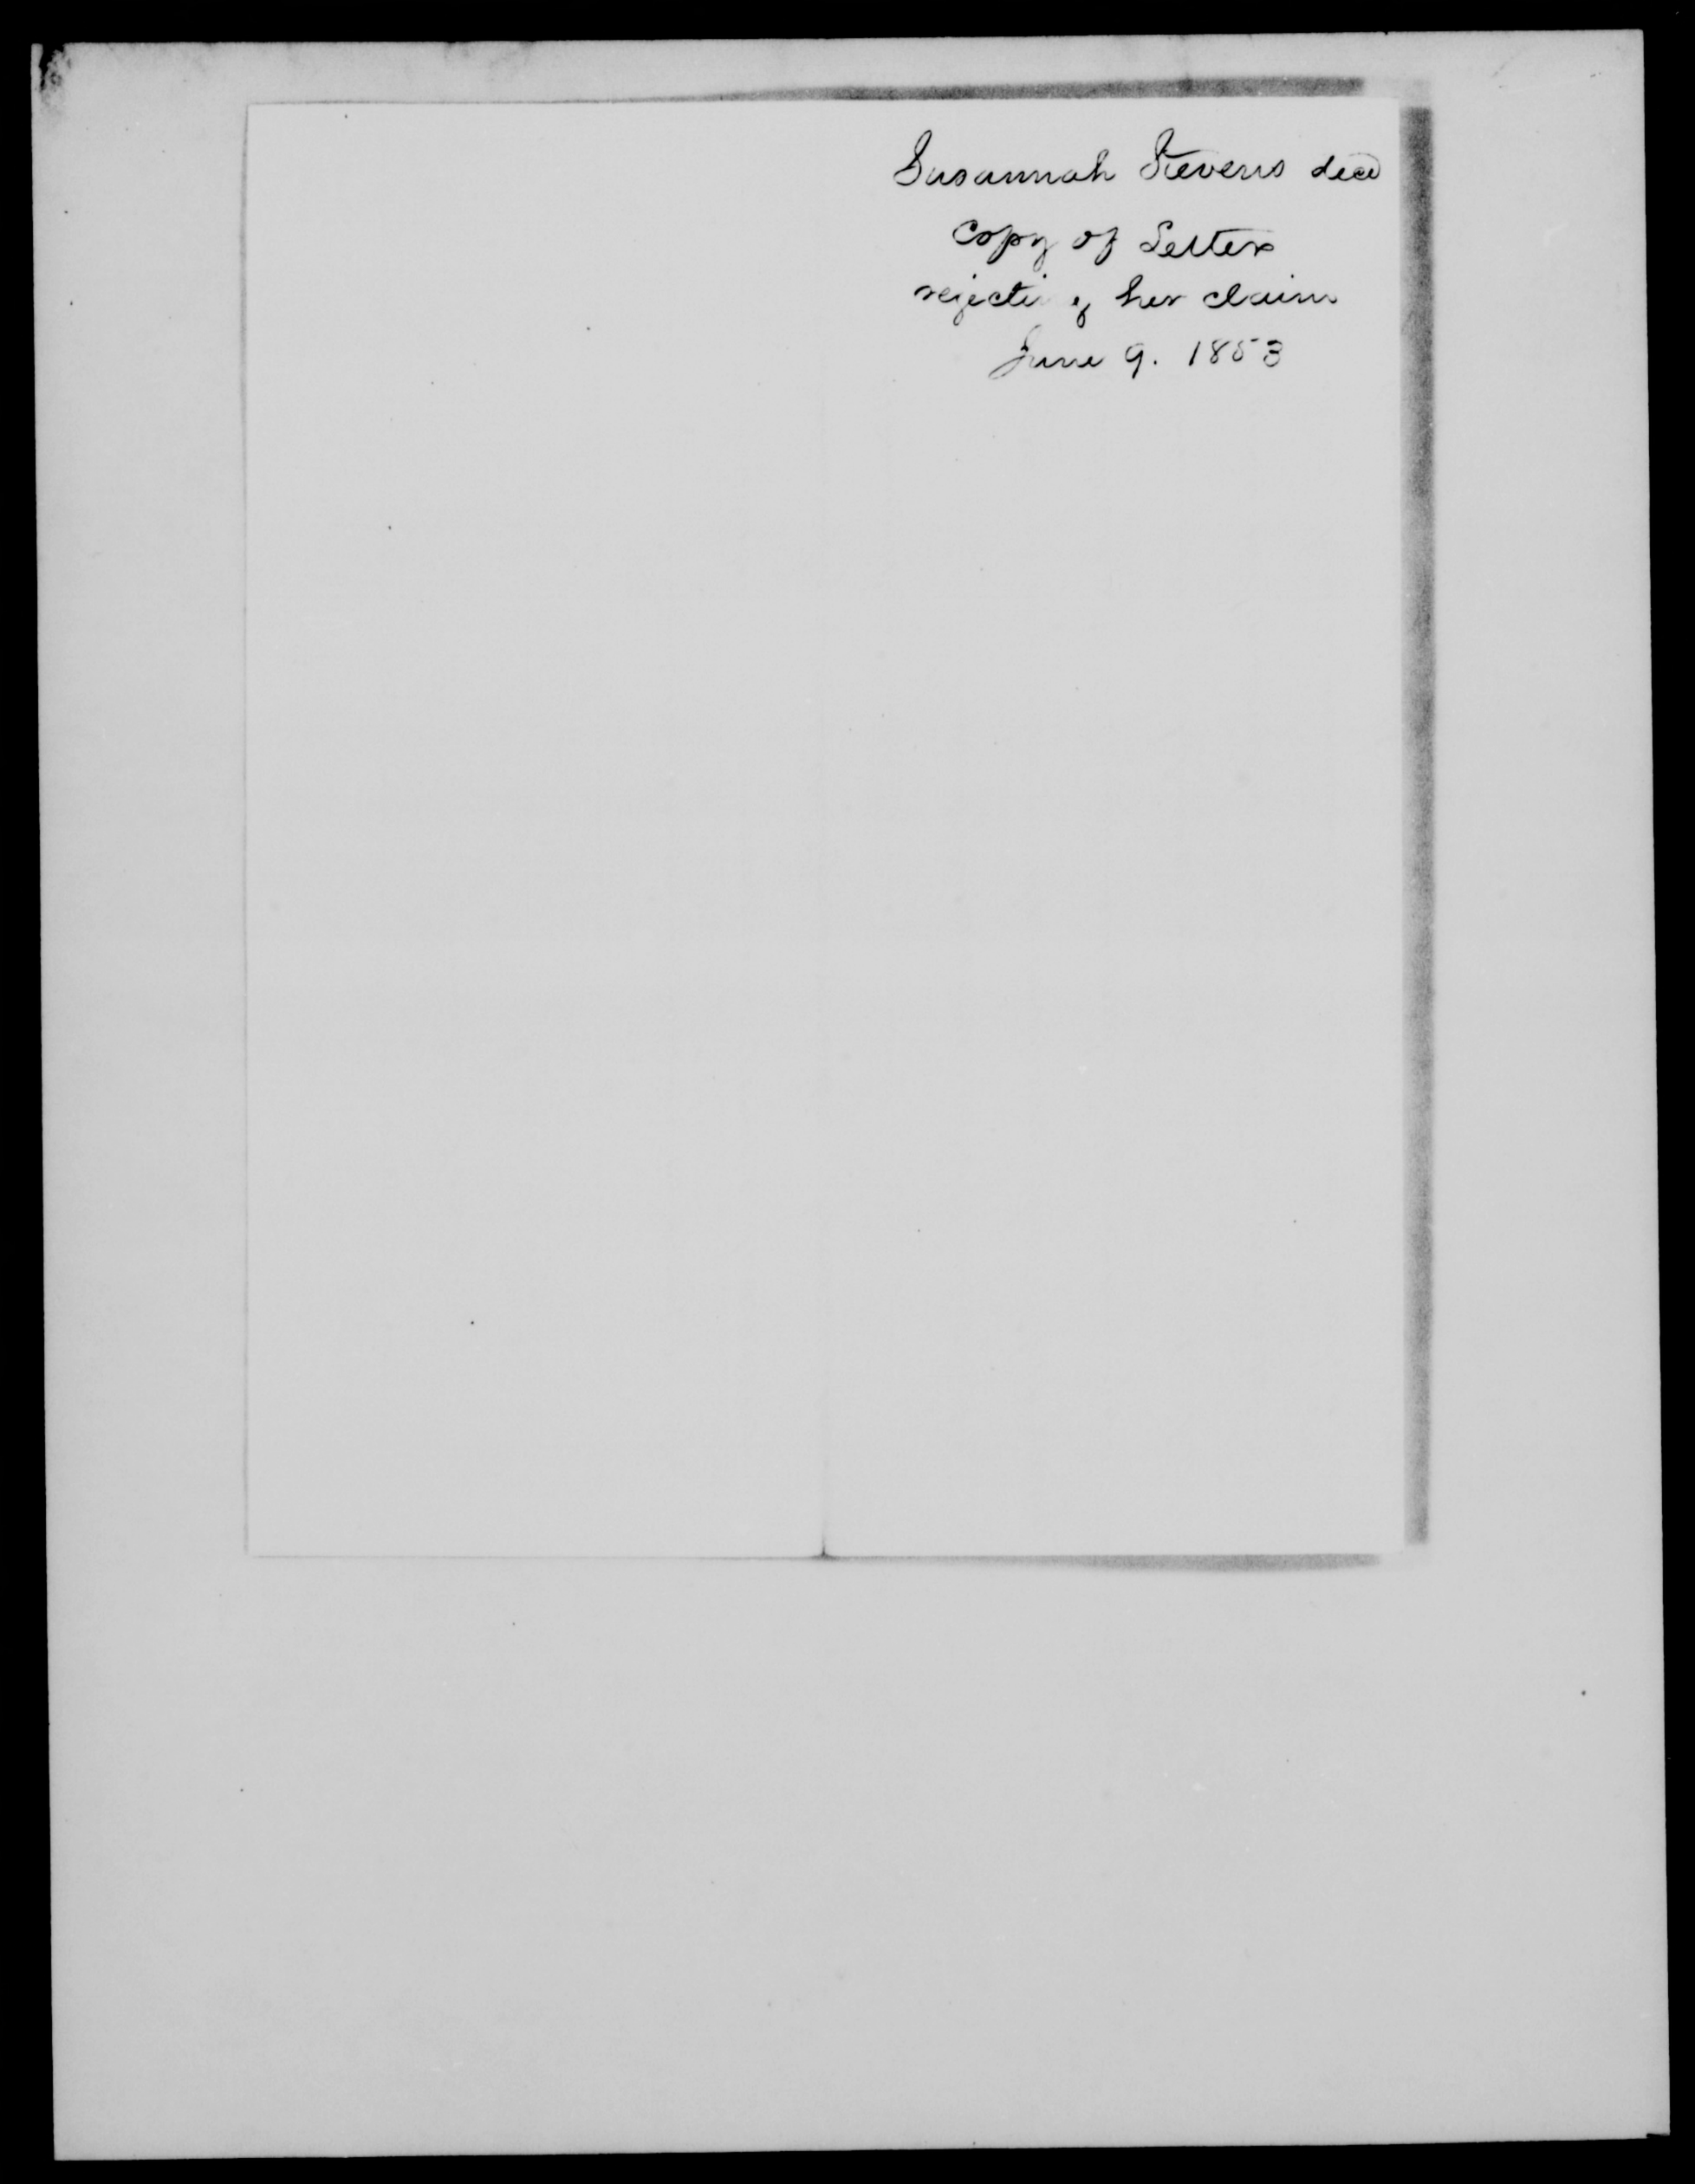Susannah Stevens decd
Copy of Letters
rejecting her claim
June 9. 1853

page: 57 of 99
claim: widow's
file: W 8766, for James Stevens, Virginia